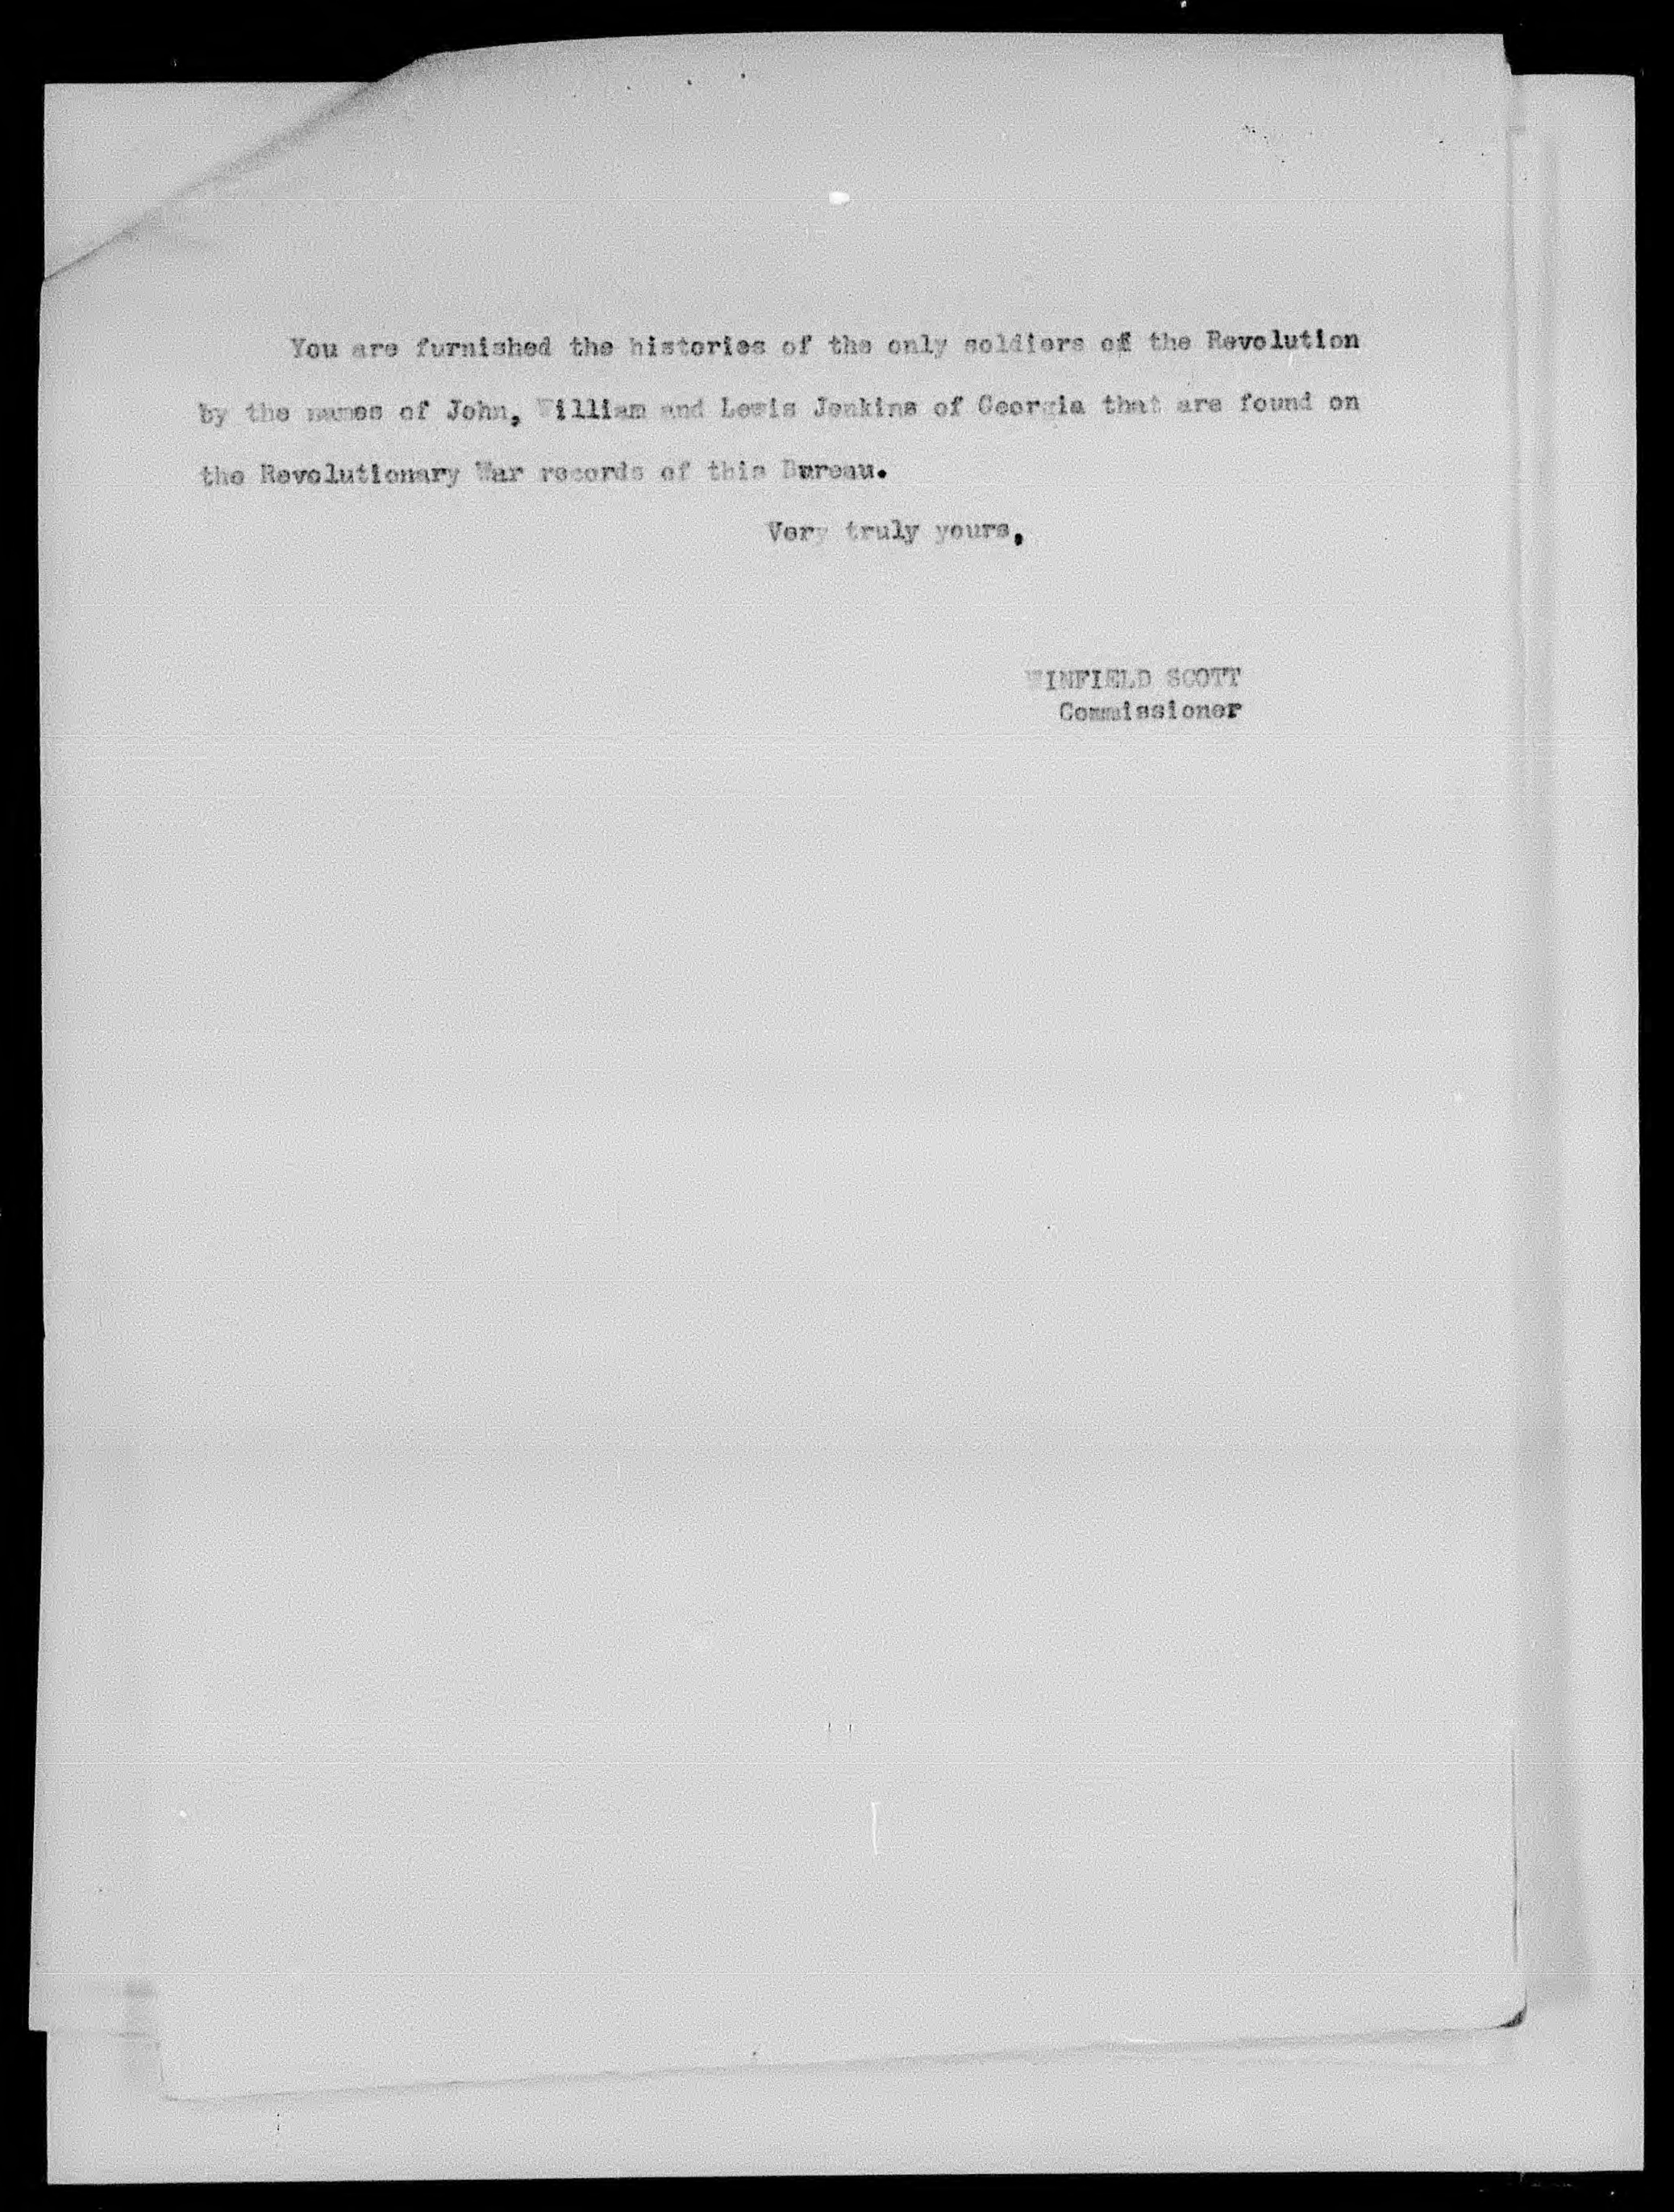You are furnished the histories of the only soldiers of the Revolution
by the names of John, William and Lewis Jenkins of Georgia that are found on the Revolutionary War records of this Bureau.
Very truly yours,
WINFIELD SCOTT
Commissioner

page: 52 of 55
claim: widow's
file: W. 7894, for John Jenkins, Virginia